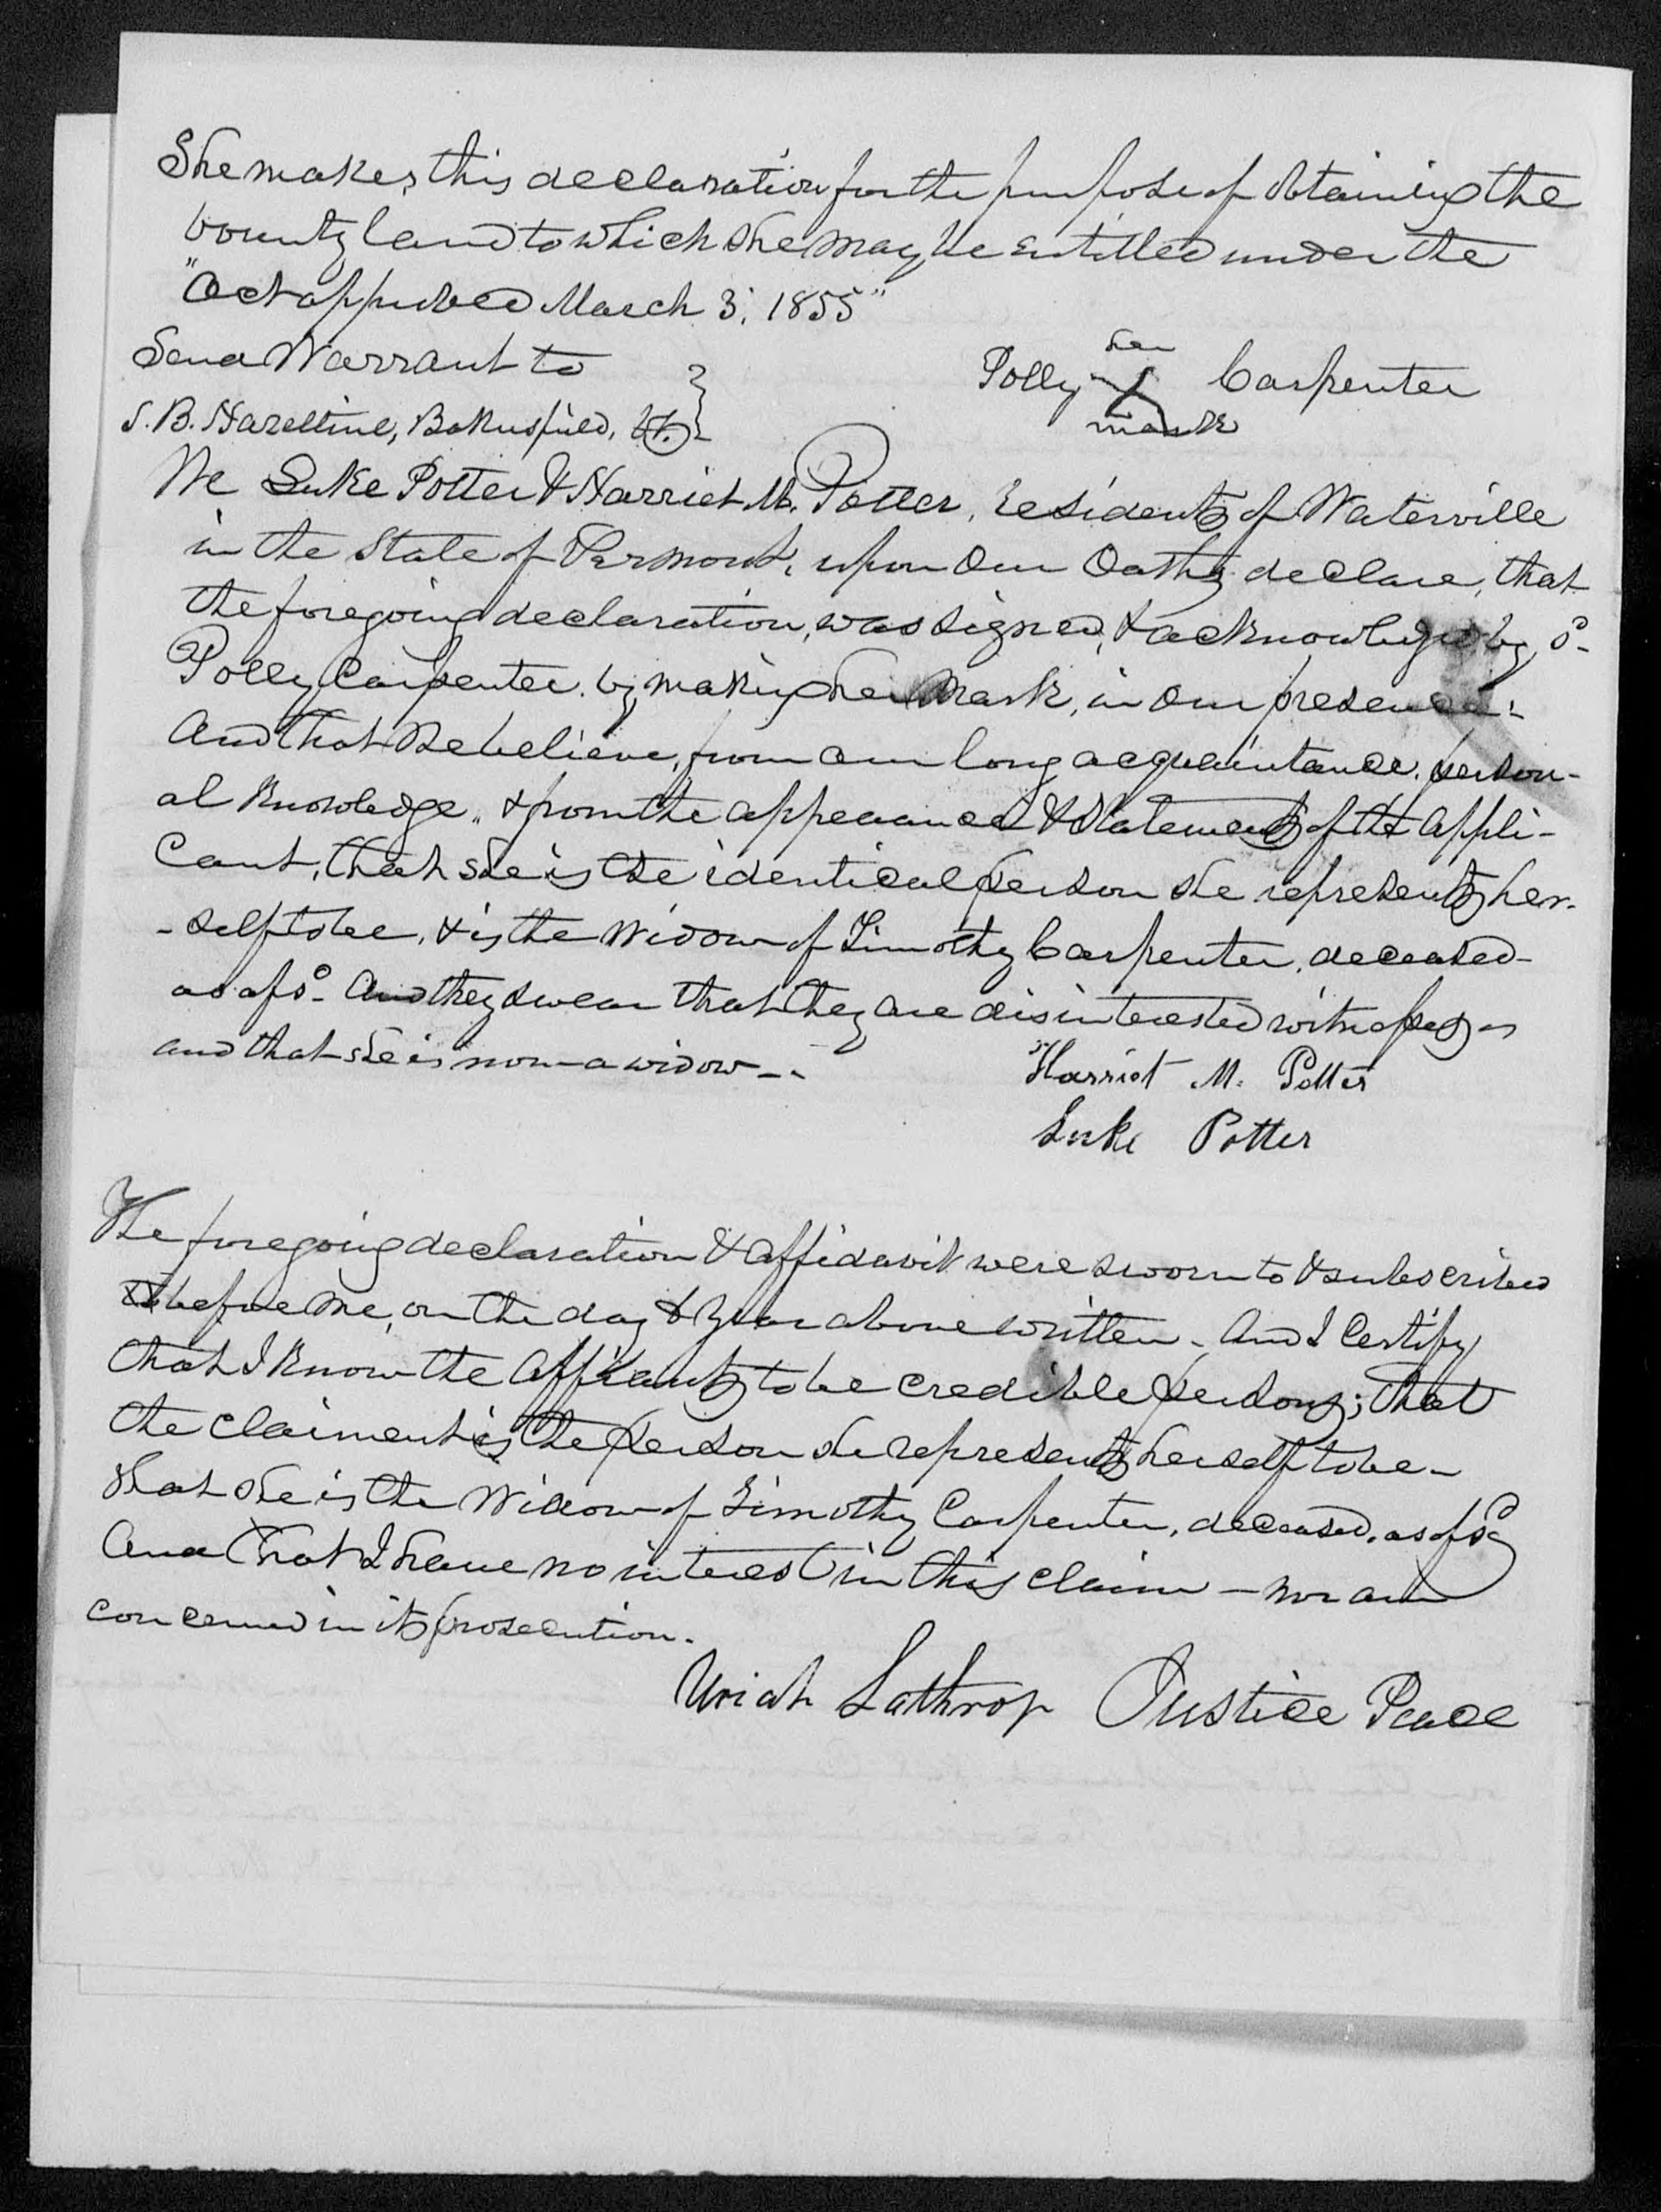She makes this declaration for the purpose of obtaining the bounty land to which she may be entitled under the "Act approved March 3, 1855"
/s/X her mark Polly Carpenter
Send Warrant to S. B. Hazeltine, Bakersfield Vt.}
We Luke Potter & Harriet M. Potter, residents of Waterville in the State of Vermont, upon our Oaths declare that the foregoing declaration, was signed & acknowledged by s'd Polly Carpenter by making her Mark, in our presence and that we believe from our long acquaintance, personally knowledge, & from the appearance & statement of the applicant, that she is the identical person she represents herself to be, & is the widow of Timothy Carpenter, deceased - as afs'd And they swear that they are disinterested witnesses - and that she is now a widow - 
/s/Harriet M. Potter
/s/Luke Potter

We foregoing declaration & affidavit were sworn to & subscribed before me, on the day & year above written. And I Certify that I know the affiants to be credible persons; that the claimant is the person she represents herself to be - that she is the widow of Timothy Carpenter, deceased, as of afs'd And that I have no interest in this claim - nor are concerned in its prosecution. 
/s/Uriah Lathrop Justice Peace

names: Harriet M Potter, Polly Carpenter, Harriet M Potter, Timothy Carpenter, Luke Potter, Timothy Carpenter, Polly Carpenter, Luke Potter, Uriah Lathrop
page: 14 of 41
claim: widow's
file: W. 15627, Timothy Carpenter, Vt.